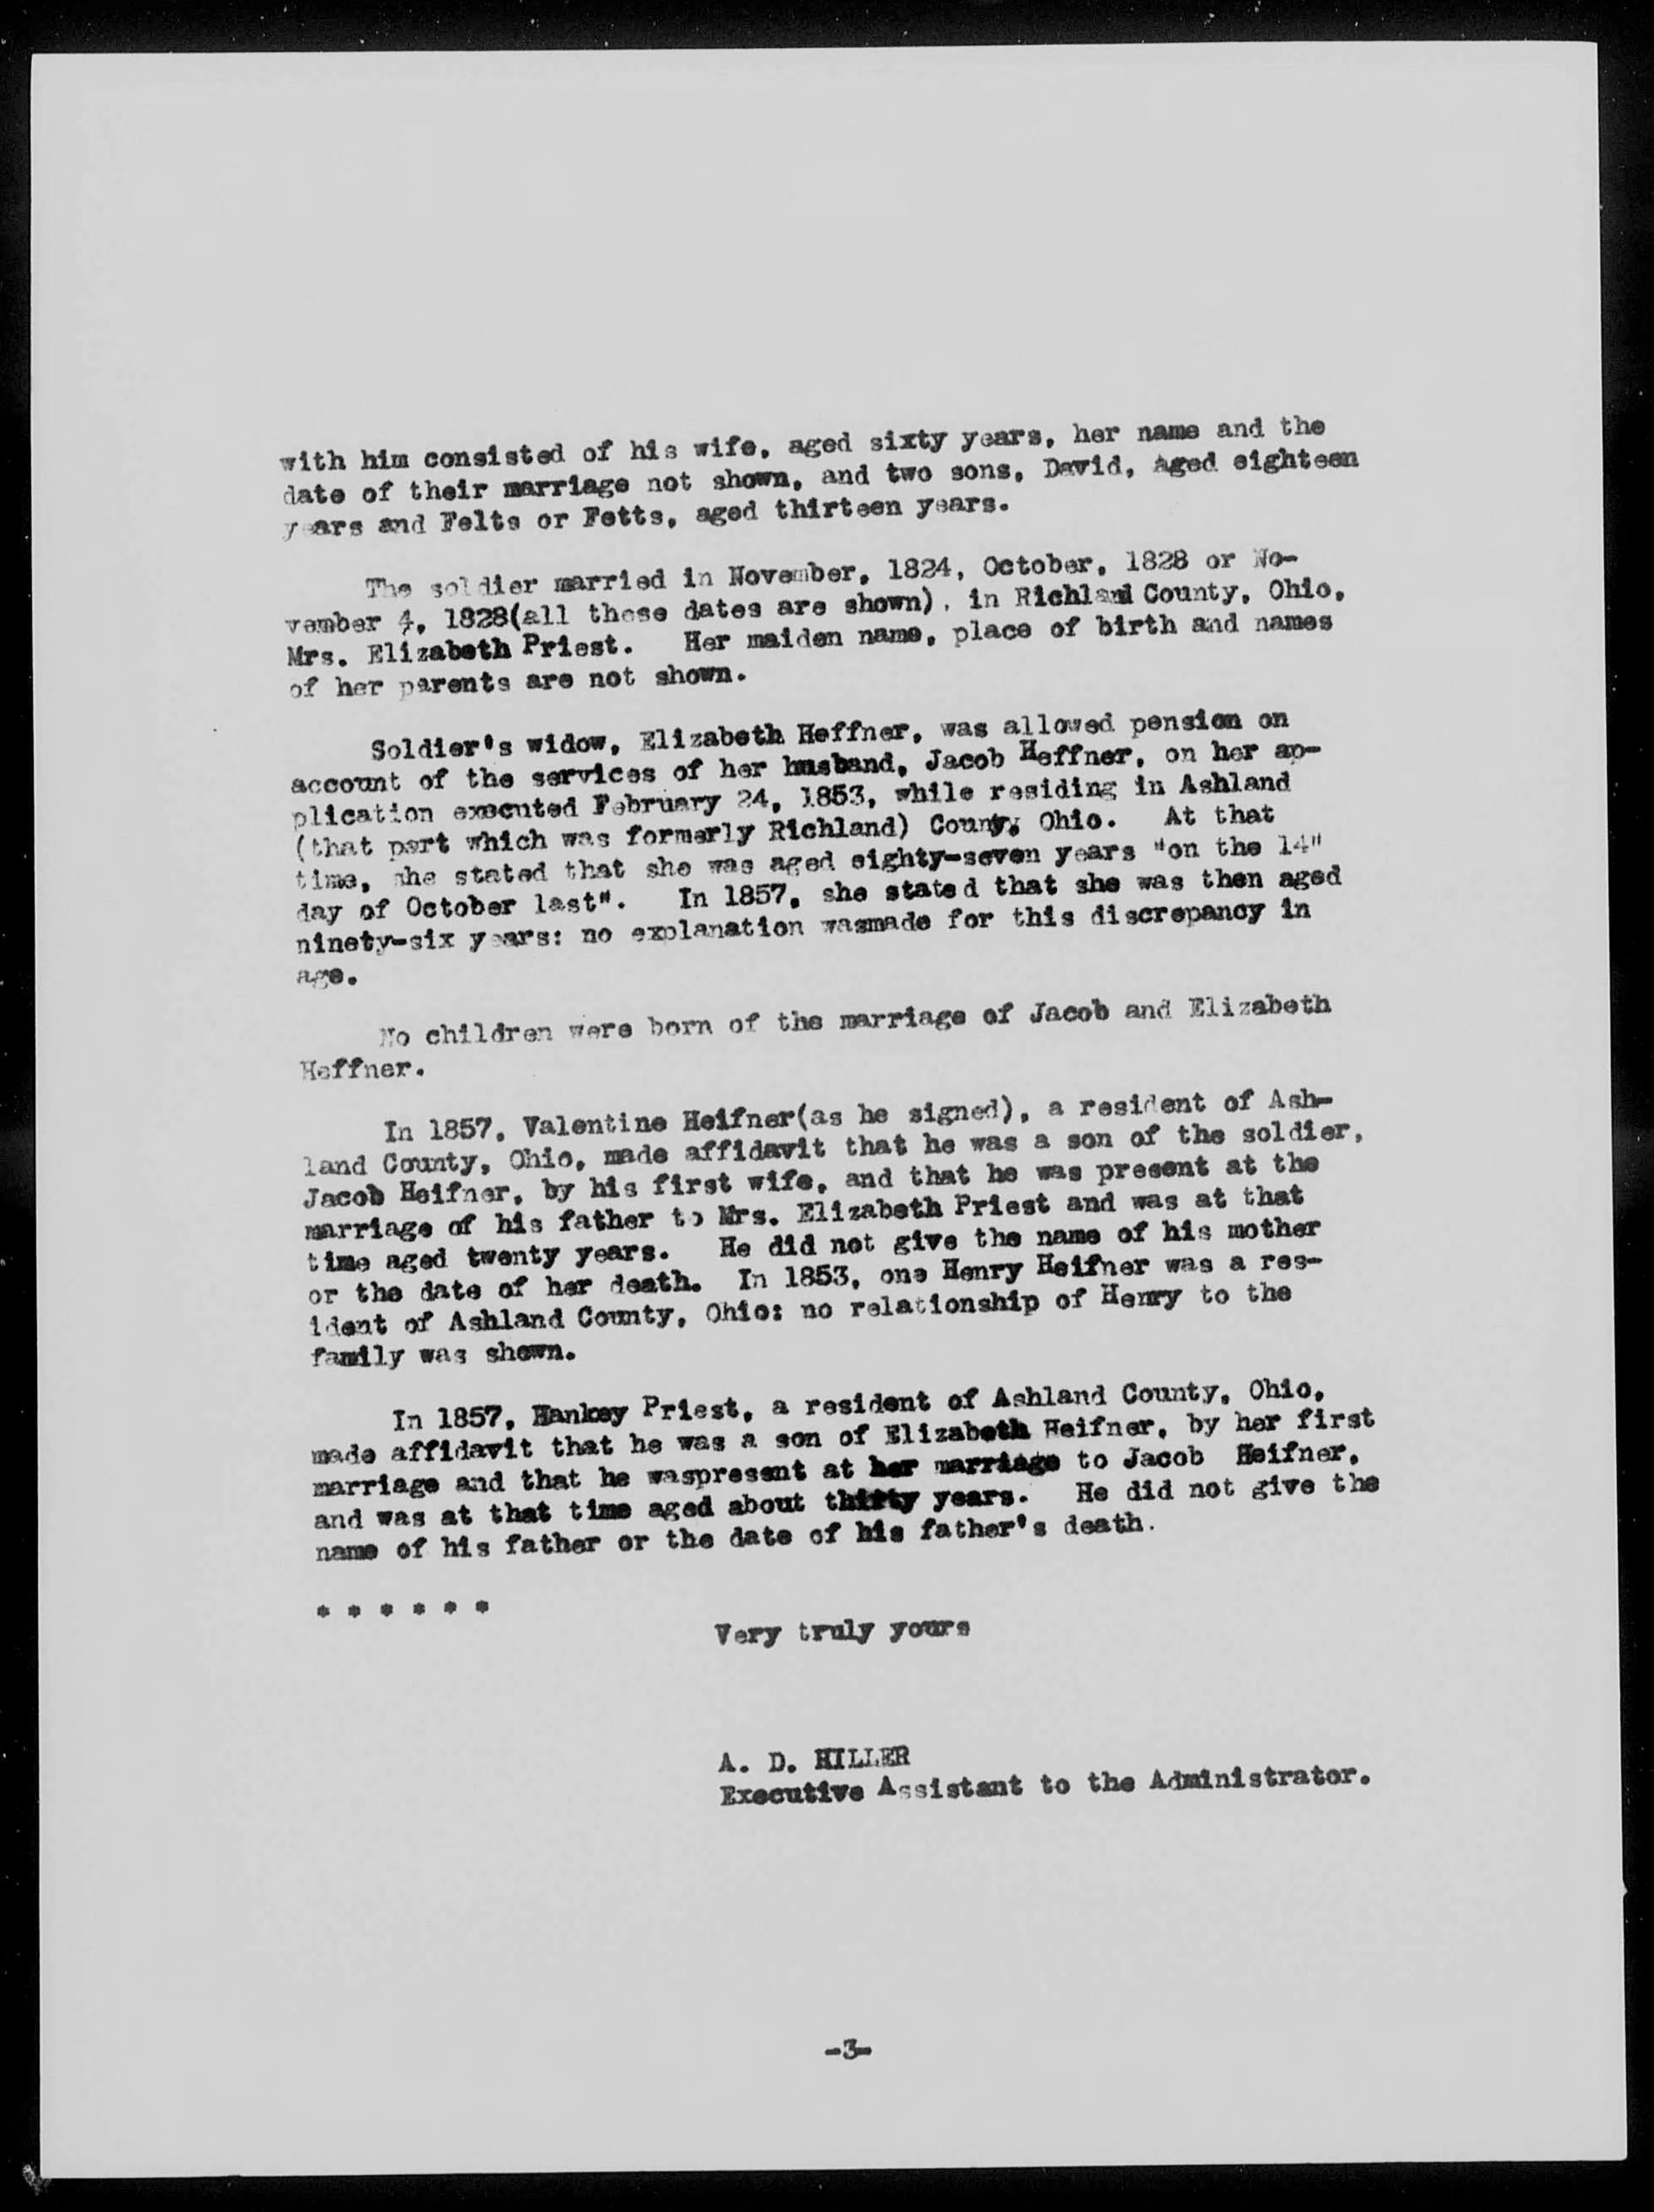with him consisted of his wife, aged sixty years, her name and the date of their marriage not shown, and two sons, David, aged eighteen years and Felts or Fetts, aged thirteen years.
The soldier married in November, 1824, October, 1828 or November 4, 1829 ( all these dates are shown), in Richland County, Ohio,
Mrs. Elizabeth Priest. Her maiden name, place of birth and names of her parents are not shown.
Soldier's widow, Elizabeth Heffner, was allowed pension on account of the services of her husband, Jacob Heffner, on her application executed February 24, 1853, while residing in Ashland (that part which was formerly Richland) County Ohio. At that time, she stated that she was aged eighty-seven years on the 14" day of October last". In 1857, she stated that she was then aged ninety-six years; no explanation was made for this discrepancy in
age. No children were born of the marriage of Jacob and Elizabeth Heffner.
In 1857, Valentine Heifner (as he signed), a resident of Ashland County, Ohio, made affidavit that he was a son of the soldier,
Jacob Heifner, by his first wife, and that he was present at the marriage of his father to Mrs. Elizabeth Priest and was at that time aged twenty years. He did not give the name of his mother of the date of her death. In 1853, one Henry Heifner was a resident of Ashland County, Ohio; no relationship of Henry to the
family was shown.
In 1857, Hankey Priest, a resident of Ashland County, Ohio, made affidavit that he was a son of Elizabeth Hefner, by her first marriage and that he was present at her marriage to Jacob Heifner, and was at that time aged about thirty years. He did not give the name of his father or the date of his father's death.

● ● ● ● ● ●
Very truly yours
A. D. HILLER
Executive Assistant to the Administrator.

-3-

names: Elizabeth Priest, Hankey Priest, Jacob Heffner, Henry Heifner, David, Fetts, Elizabeth Priest, Elizabeth Heifner, Elizabeth Heffner, Felts, Jacob Heifner, A D Hiller, Elizabeth Heffner, Henry, Jacob Heifner, Valentine Heifner, Jacob Heffner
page: 43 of 43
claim: widow's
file: W. 18,566, Casper Bolick, N.C.